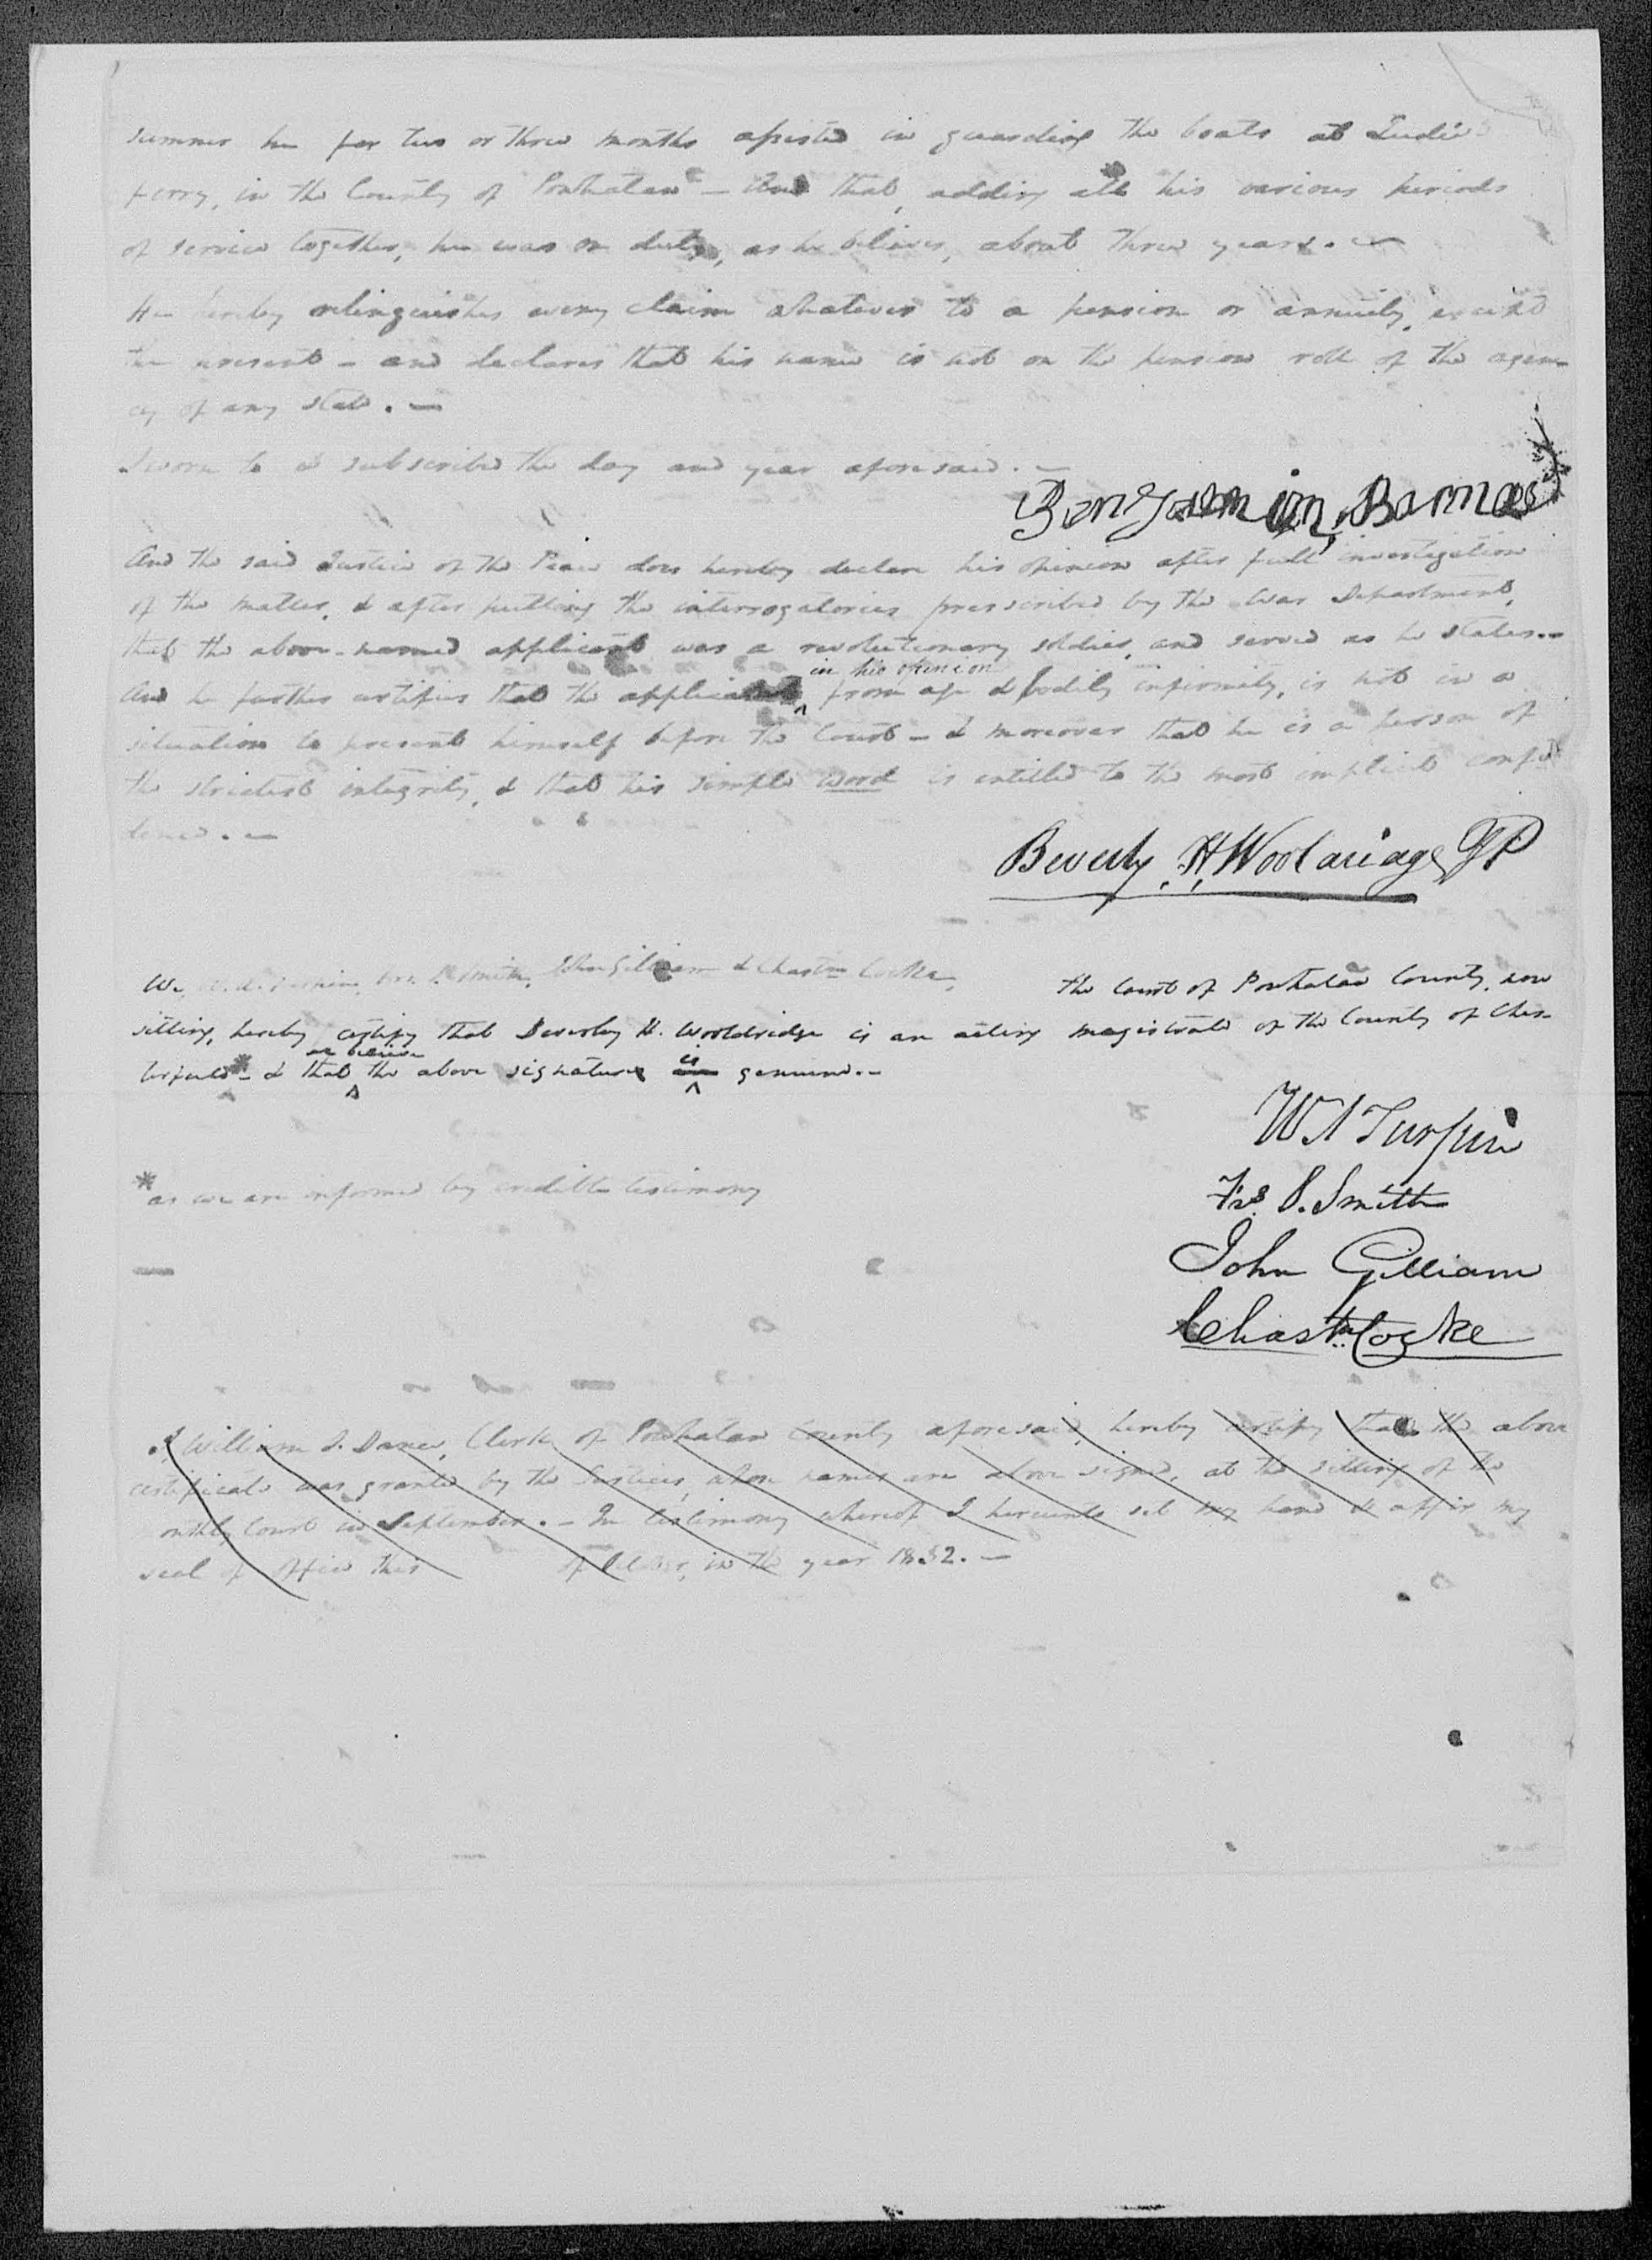summer he for two or three months assisted in guarding the boats at Jude's 
ferry, in the County of Powhatan -- And that adding all his various periods
of service together, he was on duty, as he believes, about three years. ~ 
He hereby relinquishes every claim whatever to a pension or annuity, except
the present -- and declares that his name is not on the pension roll of the agen-
cy [agency] of any state. ~
Sworn to & subscribed the day and year aforesaid. ~
		[signature] Benjamin Barnard

And the said Justice of the Peace does hereby declare his opinion after full investigation
of the matter & after putting the interrogatories prescribed by the War Department, 
that the above-named applicant was a revolutionary soldier, and served as he states. ~
And he further certifies that this applicant ^ in his opinion from age and bodily infirmity, is not in a 
situation to present himself before the Court -- & moreover that he is a person of 
the strictest integrity, & that his simple word is entitled to most implicit confi
dence . ~

We, W.A. Turpin, Frs. S. Smith, John Gilliam & Chastn Cocke, the Court of Powhatan County, now 
sitting, hereby certify that Beverly H. Wooldridge is an acting magistrate of this County of Chesterfield & that ^ we believe the above signature [cross out] ^ is genuine. ~

*as we are informed by credible testimony
		[signature] W A Turpin
		[signature] Frs S. Smith
		[signature] Chastn. Cocke

["I, William I. James, Clerk of Powhatan County aforesaid hereby certify that the above
certificate was granted by the Justices above names are above signed, at the sitting of the 
monthly Court in September. -- In testimony whereof I hereunto set my hand & affix my 
seal of office this [left blank] of October, in the year 1832. ~" crossed out]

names: S Smith, Benjamin Barnard, Chastn Cocke, John Gilliam, Beverly H Wooldridge, W A Turpin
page: 4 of 18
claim: survivor's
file: S. 9096, Benjamin Barnard, Va.